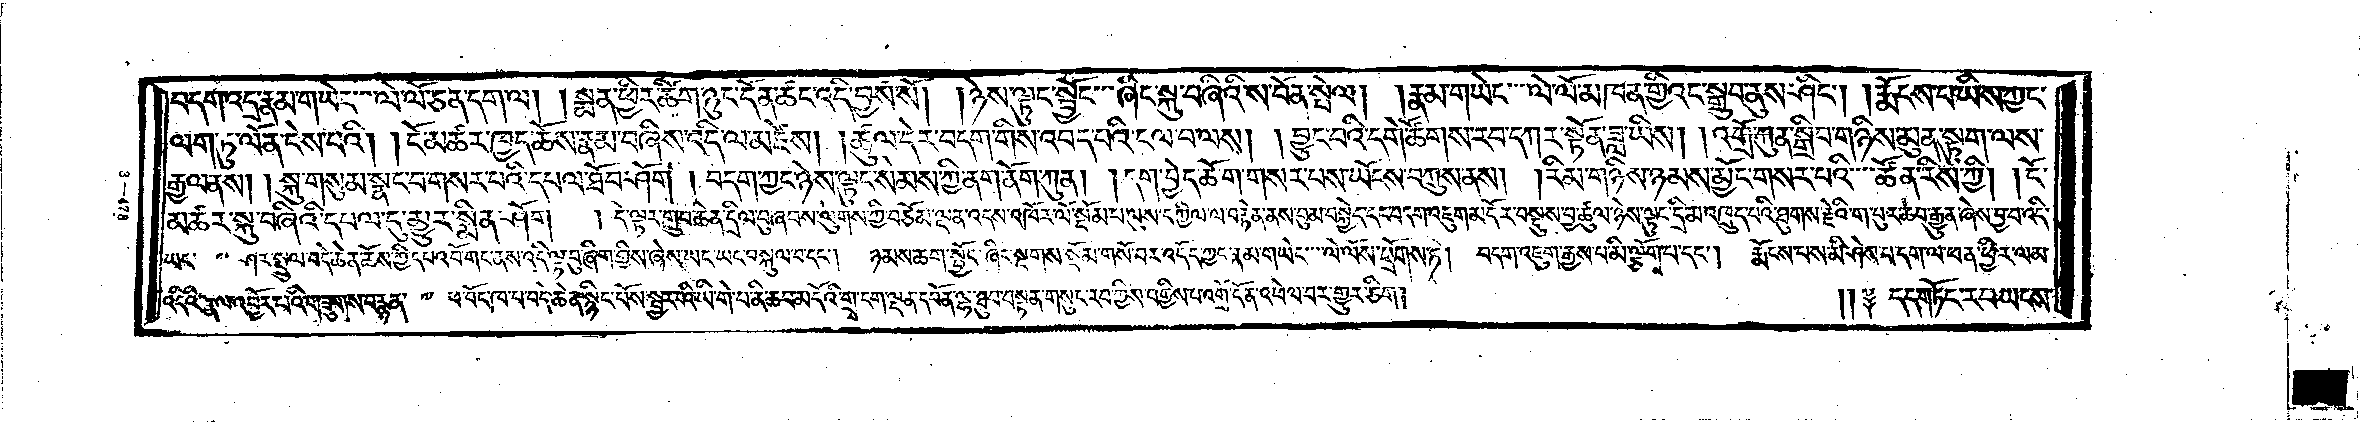བདག་འདྲ་རྣམ་གཡེང་ལེ་ལོ་ཅན་དག་ལ། །སྨན་ཕྱིར་ཚིག་ཉུང་དོན་ཚང་འདི་བྱས་སོ། །ཉེས་ལྟུང་སྦྱོང་ཞིང་སྐུ་བཞིའི་ས་བོན་སྤེལ། །རྣམ་གཡེང་ལེ་ལོ་མཁན་གྱིའང་སྒྲུབ་ནུས་ཤིང་། །རྨོངས་པ་ཡིས་ཀྱང་
ལག་ཏུ་ལོན་ངེས་པའི། །ངོ་མཚར་ཁྱད་ཆོས་རྣམ་བཞིས་འདི་ལ་མཛེས། །ཚུལ་དེར་བདག་གིས་འབད་པའི་ངལ་བ་ལས། །བྱུང་བའི་དགེ་ཚོགས་རབ་དཀར་སྟོན་ཟླ་ཡིས། །འགྲོ་ཀུན་སྒྲིབ་གཉིས་མུན་སྟུག་ལས་
རྒྱལ་ནས། །སྐུ་གསུམ་སྣང་བ་གསར་པའི་དཔལ་ཐོབ་ཤོག །བདག་ཀྱང་ཉེས་ལྟུང་སེམས་ཀྱི་ནག་ནོག་ཀུན། །དག་བྱེད་ཆོ་ག་གསར་པས་ཡོངས་བཀྲུས་ནས། །རིམ་གཉིས་ཉམས་མྱོང་གསར་པའི་ཚོན་རིས་ཀྱི། །ངོ་
མཚར་སྐུ་བཞིའི་དཔལ་དུ་མྱུར་སྨིན་ཤོག །དེ་ལྟར་གྲུབ་ཆེན་དྲིལ་བུ་ཞབས་ལུགས་ཀྱི་བཅོམ་ལྡན་འདས་འཁོར་ལོ་སྡོམ་པ་ལུས་དཀྱིལ་ལ་བརྟེན་ནས་བུམ་བསྐྱེད་དང་བདག་འཇུག་མདོར་བསྡུས་བྱ་ཚུལ་ཉེས་ལྟུང་དྲི་མ་འཁྲུད་པའི་ཐུགས་རྗེའི་ག་བུར་ཆེབ་རྒྱུན་ཞེས་བྱ་བ་འདི་
ཡང༑ ཤར་སྤྲུལ་བདེ་ཆེན་ཆོས་ཀྱི་དཔའ་བོ་གང་ནས་འདི་ལྟ་བུ་ཞིག་གྱིས་ཞེས་ཡང་ཡང་བསྐུལ་བ་དང་། ཉམས་ཆག་སྦྱོང་ཞིང་སྔགས་སྡོམ་གསོ་བར་འདོད་ཀྱང་རྣམ་གཡེང་ལེ་ལོས་ཕྲོགས་ཏེ། བདག་འཇུག་རྒྱས་པ་མི་ལྕོགས་པ་དང་། རྨོངས་པས་མི་ཤེས་པ་དག་ལ་ཕན་ཕྱིར་ལམ་
འདིའི་རྣལ་འབྱོར་བའི་གཟུགས་བརྙན ༧་ཕ་བོང་ཁ་པ་བདེ་ཆེན་སྙིང་པོས་སྦྱར་བའི་ཡི་གེ་པ་ནི་ཆབ་མདོའི་གྲྭ་དག་ལྡན་དཔོན་ལྷ་ཐུབ་བསྟན་གསུང་རབ་ཀྱིས་བགྱིས་པ་འགྲོ་དོན་འཕེལ་བར་གྱུར་ཅིག། །།འདད་གཏོང་རབ་ཡངས་